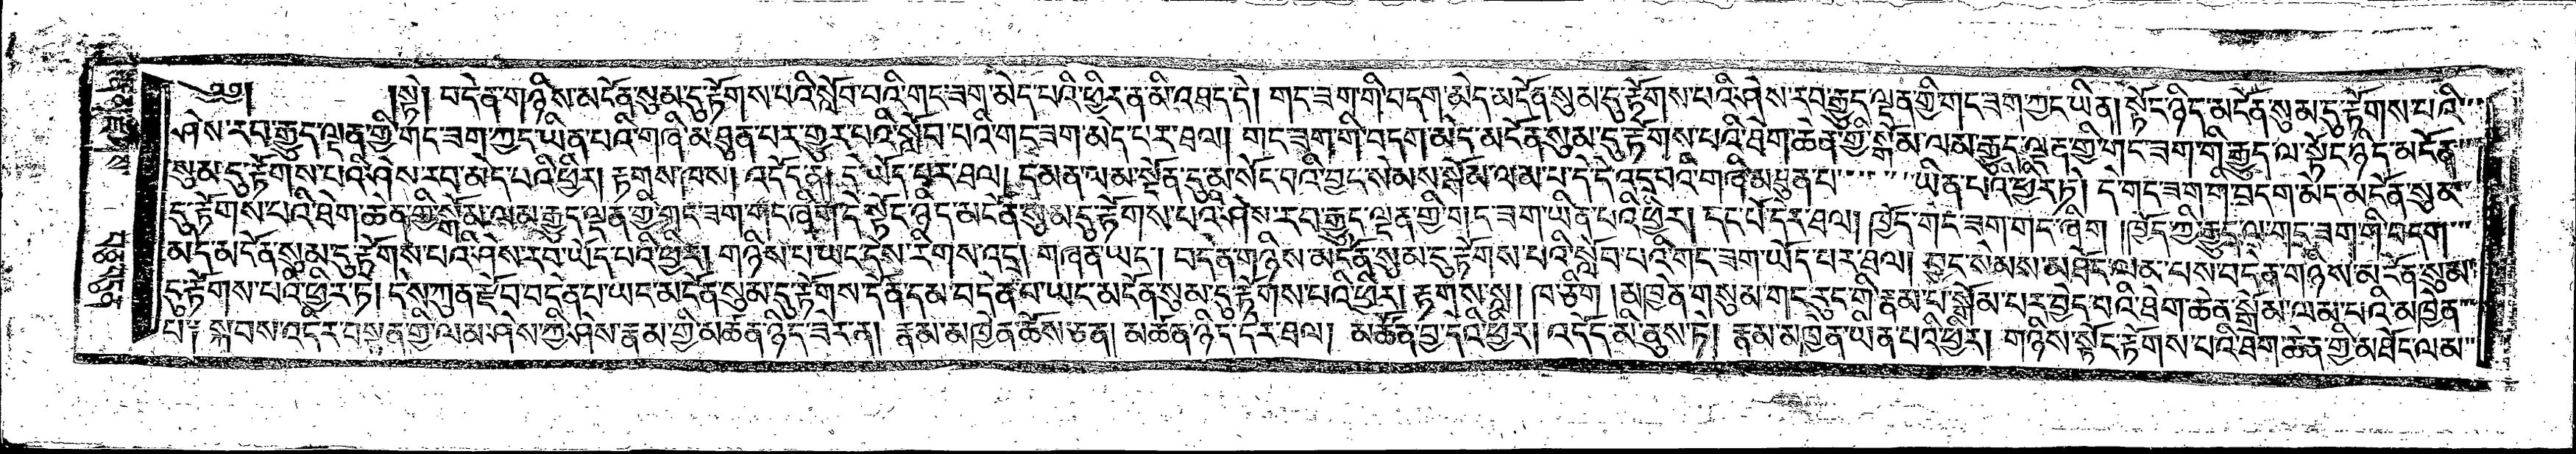༄༅། །སྟེ། བདེན་གཉིས་མངོན་སུམ་དུ་རྟོགས་པའི་སློབ་པའི་གང་ཟག་མེད་པའི་ཕྱིར་ན་མི་འཐད་དེ། གང་ཟག་གི་བདག་མེད་མངོན་སུམ་དུ་རྟོགས་པའི་ཤེས་རབ་རྒྱུད་ལྡན་གྱི་གང་ཟག་ཀྱང་ཡིན། སྟོང་ཉིད་མངོན་སུམ་དུ་རྟོགས་པའི་
ཤེས་རབ་རྒྱུད་ལྡན་གྱི་གང་ཟག་ཀྱང་ཡིན་པའི་གཞི་མཐུན་པར་གྱུར་པའི་སློབ་པའི་གང་ཟག་མེད་པར་ཐལ། གང་ཟག་གི་བདག་མེད་མངོན་སུམ་དུ་རྟོགས་པའི་ཐེག་ཆེན་གྱི་སྒོམ་ལམ་རྒྱུད་ལྡན་གྱི་གང་ཟག་གི་རྒྱུད་ལ་སྟོང་ཉིད་མངོན་
སུམ་དུ་རྟོགས་པའི་ཤེས་རབ་མེད་པའི་ཕྱིར། རྟགས་ཁས། འདོད་ན། དེ་ཡོད་པར་ཐལ། དམན་ལམ་སྔོན་དུ་མ་སོང་བའི་བྱང་སེམས་སྒོམ་ལམ་པ་དེ་དེ་འདྲ་པའི་གཞི་མཐུན་པ་ཡིན་པའི་ཕྱིར་ཏེ། དེ་གང་ཟག་གི་བདག་མེད་མངོན་སུམ་
དུ་རྟོགས་པའི་ཐེག་ཆེན་གྱི་སྒོམ་ལམ་རྒྱུད་ལྡན་གྱི་གང་ཟག་གང་ཞིག་དེ་སྟོང་ཉིད་མངོན་སུམ་དུ་རྟོགས་པའི་ཤེས་རབ་རྒྱུད་ལྡན་གྱི་གང་ཟག་ཡིན་པའི་ཕྱིར། དང་པོ་དེར་ཐལ། ཁྱོད་གང་ཟག་གང་ཞིག །ཁྱོད་ཀྱི་རྒྱུད་ལ་གང་ཟག་གི་བདག་
མེད་མངོན་སུམ་དུ་རྟོགས་པའི་ཤེས་རབ་ཡོད་པའི་ཕྱིར། གཉིས་པ་ཡང་དེས་རིགས་འདྲ། གཞན་ཡང་། བདེན་གཉིས་མངོན་སུམ་དུ་རྟོགས་པའི་སློབ་པའི་གང་ཟག་ཡོད་པར་ཐལ། བྱང་སེམས་མཐོང་ལམ་པས་བདེན་གཉིས་མངོན་སུམ་
དུ་རྟོགས་པའི་ཕྱིར་ཏེ། དེས་ཀུན་རྫོབ་བདེན་པ་ཡང་མངོན་སུམ་དུ་རྟོགས་དོན་དམ་བདེན་པ་ཡང་མངོན་སུམ་དུ་རྟོགས་པའི་ཕྱིར། རྟགས་སླ། ཁ་ཅིག །མཁྱེན་གསུམ་གང་རུང་གི་རྣམ་པ་སྒོམ་པར་བྱེད་པའི་ཐེག་ཆེན་སྒོམ་ལམ་པའི་མཁྱེན་
པ༑ སྐབས་འདིར་བསྟན་གྱི་ལམ་ཤེས་ཀྱི་ཤེས་རྣམ་གྱི་མཚན་ཉིད་ཟེར་ན། རྣམ་མཁྱེན་ཆོས་ཅན། མཚན་ཉིད་དེར་ཐལ། མཚོན་བྱ་དེའི་ཕྱིར། འདོད་མི་ནུས་ཏེ། རྣམ་མཁྱེན་ཡིན་པའི་ཕྱིར། གཉིས་སྟོང་རྟོགས་པའི་ཐེག་ཆེན་གྱི་མཐོང་ལམ་